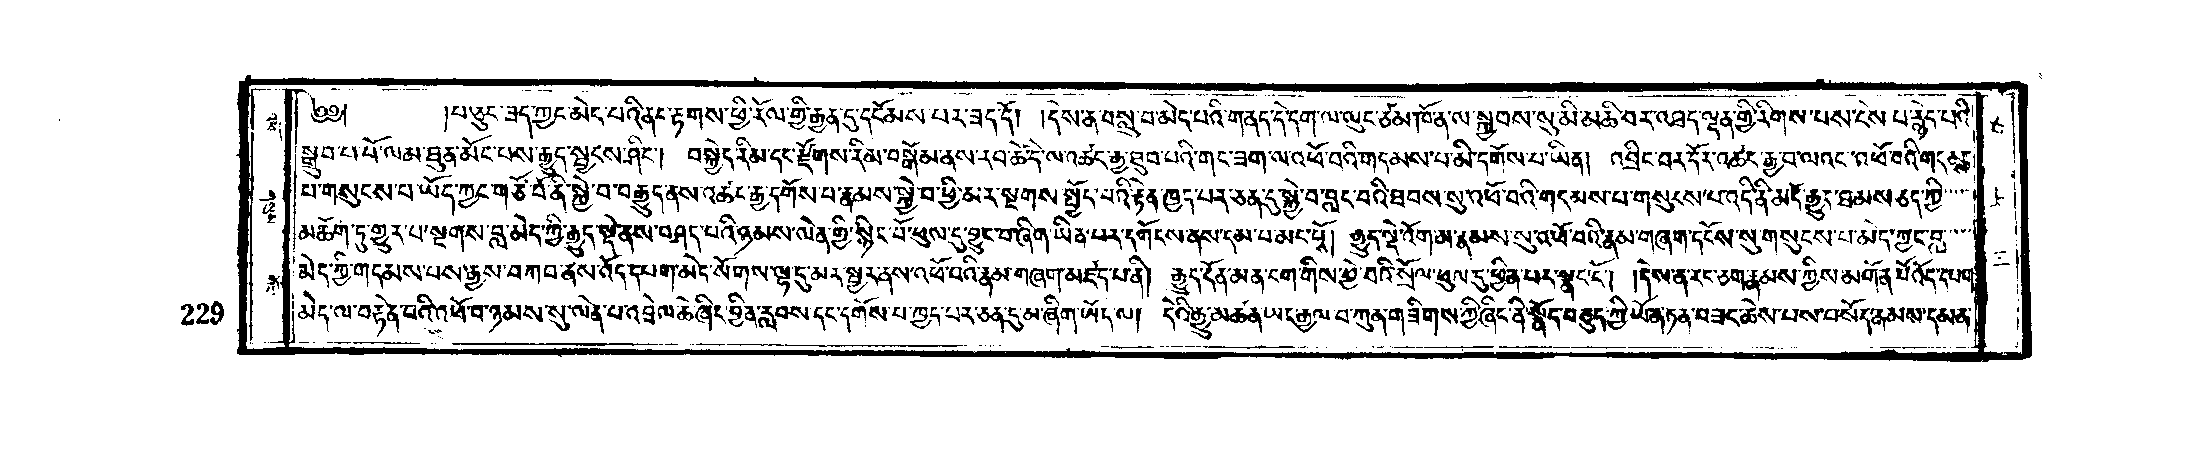༄༅། །པ་ཅུང་ཟད་ཀྱང་མེད་པའི་ནང་རྟགས་ཕྱི་རོལ་གྱི་རྒྱན་དུ་དངོམས་པར་ཟད་དོ། །དེས་ན་བསླུ་བ་མེད་པའི་གནད་དེ་དག་ལ་ལུང་ཙམ་ཁོ་ན་ལ་སྐྱབས་སུ་མི་མཆི་བར་འཐད་ལྡན་གྱི་རིགས་པས་ངེས་པ་རྙེད་པའི་
སྒྲུབ་པ་པོ་ལམ་ཐུན་མོང་པས་རྒྱུད་སྦྱངས་ཤིང་། བསྐྱེད་རིམ་དང་རྫོགས་རིམ་བསྒོམ་ནས་རབ་ཚེ་དེ་ལ་འཚང་རྒྱ་ཐུབ་པའི་གང་ཟག་ལ་འཕོ་བའི་གདམས་པ་མི་དགོས་པ་ཡིན། འབྲིང་བར་དོར་འཚང་རྒྱ་བ་ལའང་འཕོ་བའི་གདམས་
པ་གསུངས་པ་ཡོད་ཀྱང་གཙོ་བོ་ནི་སྐྱེ་བ་བརྒྱུད་ནས་འཚང་རྒྱ་དགོས་པ་རྣམས་སྐྱེ་བ་ཕྱི་མར་སྔགས་སྤྱོད་པའི་རྟེན་ཁྱད་པར་ཅན་དུ་སྐྱེ་བ་བླང་བའི་ཐབས་སུ་འཕོ་བའི་གདམས་པ་གསུངས་པ་འདི་ནི་མདོ་རྒྱུད་ཐམས་ཅད་ཀྱི་
མཆོག་ཏུ་གྱུར་པ་སྔགས་བླ་མེད་ཀྱི་རྒྱུད་སྡེ་ནས་བཤད་པའི་ཉམས་ལེན་གྱི་སྙིང་པོ་ཕུལ་དུ་བྱུང་བ་ཞིག་ཡིན་པར་དགོངས་ནས་དམ་པ་མང་པོས། རྒྱུད་སྡེ་འོག་མ་རྣམས་སུ་འཕོ་བའི་རྣམ་གཞག་དངོས་སུ་གསུངས་པ་མེད་ཀྱང་བླ་
མེད་ཀྱི་གདམས་པས་རྒྱས་བཀབ་ནས་འོད་དཔག་མེད་སོགས་ལྷ་དུ་མར་སྦྱར་ནས་འཕོ་བའི་རྣམ་གཞག་མཛད་པ་ནི། རྒྱུད་དོན་མན་ངག་གིས་ཕྱེ་བའི་སྲོལ་ཕུལ་དུ་ཕྱིན་པར་སྣང་ངོ། །དེས་ན་རང་ཅག་རྣམས་ཀྱིས་མགོན་པོ་འོད་དཔག་
མེད་ལ་བརྟེན་པའི་འཕོ་བ་ཉམས་སུ་ལེན་པ་འབྲེལ་ཆེན་ཞིང་བྱིན་རླབས་དང་དགོས་པ་ཁྱད་པར་ཅན་དུ་མ་ཞིག་ཡོད་ལ། དེའི་རྒྱུ་མཚན་ཡང་རྒྱལ་བ་ཀུན་གཟིགས་ཀྱི་ཞིང་ནི་སྣོད་བཅུད་ཀྱི་ཡོན་ཏན་བཟང་ཆེས་པས་བསོད་ནམས་དམན་